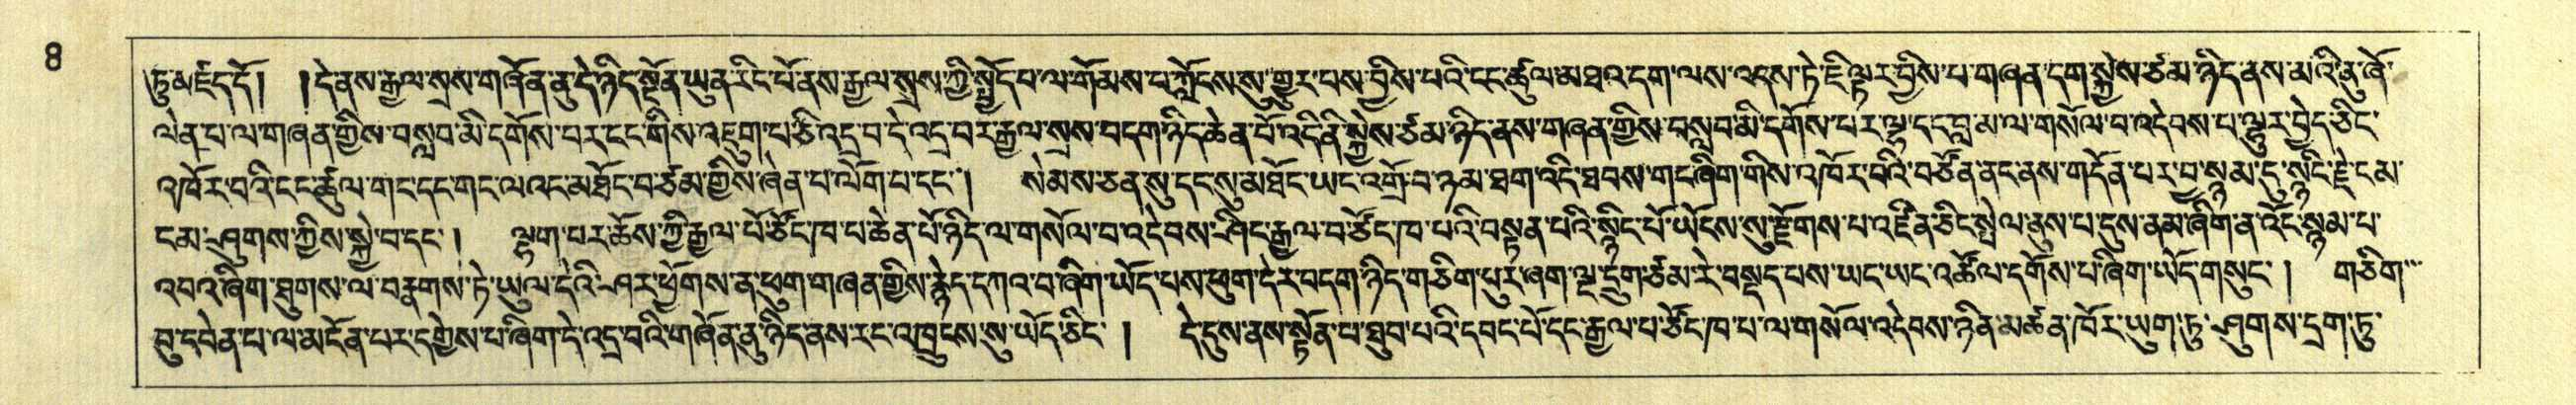ཏུ་མཛད་དོ། །དེ་ནས་རྒྱལ་སྲས་གཞོན་ནུ་དེ་ཉིད་སྔོན་ཡུན་རིང་པོ་ནས་རྒྱལ་སྲས་ཀྱི་སྤྱོད་པ་ལ་གོམས་པ་ཀློངས་སུ་གྱུར་པས་བྱིས་པའི་ངང་ཚུལ་མཐའ་དག་ལས་འདས་ཏེ་ཇི་ལྟར་བྱིས་པ་གཞན་དག་སྐྱེས་ཙམ་ཉིད་ནས་མའི་ནུ་ཞོ་
ལེན་པ་ལ་གཞན་གྱིས་བསླབ་མི་དགོས་པར་ངང་གིས་འཇུག་པ་ཅི་འདྲ་བ་དེ་འདྲ་བར་རྒྱལ་སྲས་བདག་ཉིད་ཆེན་པོ་འདི་ནི་སྐྱེས་ཙམ་ཉིད་ནས་གཞན་གྱིས་བསླབ་མི་དགོས་པར་ལྷ་དང་བླ་མ་ལ་གསོལ་བ་འདེབས་པ་ལྷུར་བྱེད་ཅིང་
འཁོར་བའི་ངང་ཚུལ་གང་དང་གང་ལའང་མཐོང་བ་ཙམ་གྱིས་ཞེན་པ་ལོག་པ་དང་། སེམས་ཅན་སུ་དང་སུ་མཐོང་ཡང་འགྲོ་བ་ཉམ་ཐག་འདི་ཐབས་གང་ཞིག་གིས་འཁོར་བའི་བཙོན་ནང་ནས་གདོན་པར་བྱ་སྙམ་དུ་སྙིང་རྗེ་དམ་
ངམ་ཤུགས་ཀྱིས་སྐྱེ་བ་དང་། ལྷག་པར་ཆོས་ཀྱི་རྒྱལ་པོ་ཙོང་ཁ་པ་ཆེན་པོ་ཉིད་ལ་གསོལ་བ་འདེབས་ཤིང་རྒྱལ་བ་ཙོང་ཁ་པའི་བསྟན་པའི་སྙིང་པོ་ཡོངས་སུ་རྫོགས་པ་འཛིན་ཅིང་སྤེལ་ནུས་པ་དུས་ནམ་ཞིག་ན་འོང་སྙམ་པ་
འབའ་ཞིག་ཐུགས་ལ་བརྣགས་ཏེ་ཡུལ་དེའི་ཤར་ཕྱོགས་ན་ཕུག་གཞན་གྱིས་རྙེད་དཀའ་བ་ཞིག་ཡོད་པས་ཕུག་དེར་བདག་ཉིད་གཅིག་པུར་ཞག་ལྔ་དྲུག་ཙམ་རེ་བསྡད་པས་ཡང་ཡང་འཚོལ་དགོས་པ་ཞིག་ཡོད་གསུང་། གཅིག་
བུ་དབེན་པ་ལ་མངོན་པར་དགྱེས་པ་ཞིག་དེ་འདྲ་བའི་གཞོན་ནུ་ཉིད་ནས་རང་འཁྲུངས་སུ་ཡོད་ཅིང་། དེ་དུས་ནས་སྟོན་པ་ཐུབ་པའི་དབང་པོ་དང་རྒྱལ་པ་ཙོང་ཁ་པ་ལ་གསོལ་འདེབས་ཉིན་མཚན་ཁོར་ཡུག་ཏུ་ཤུགས་དྲག་ཏུ་